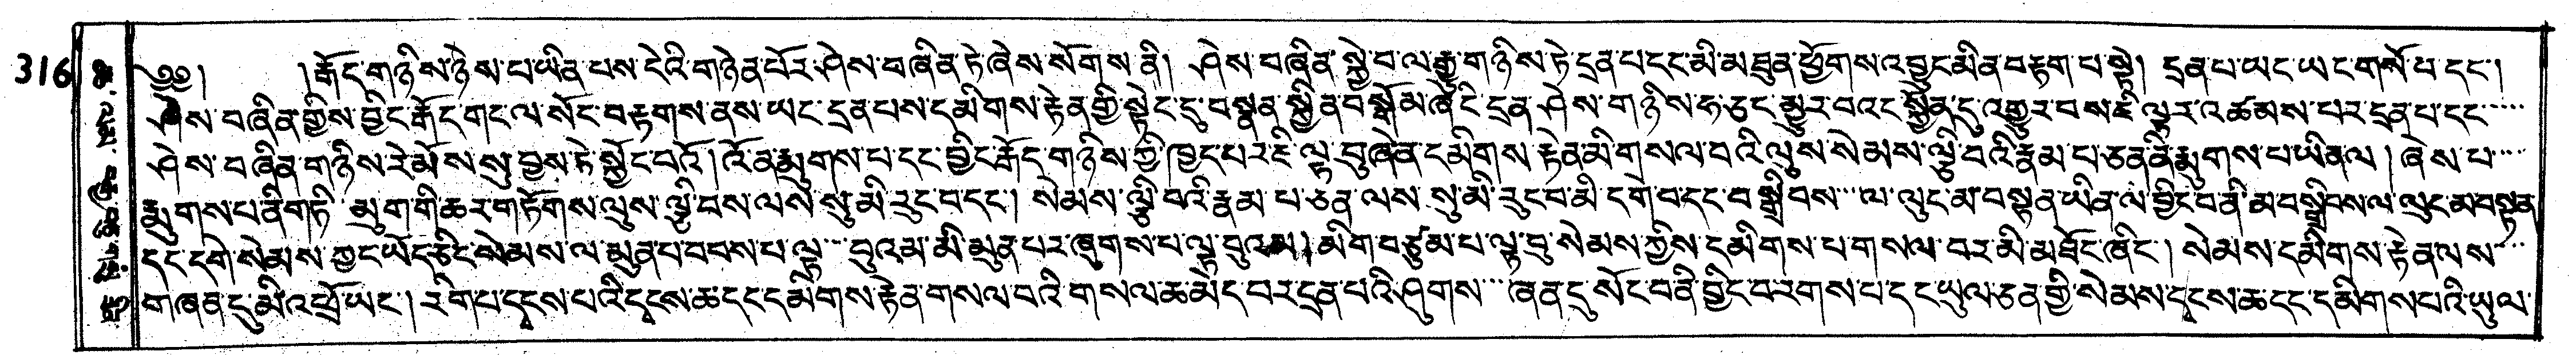༄༅། །རྒོད་གཉིས་ཉེས་པ་ཡིན་པས་དེའི་གཉེན་པོར་ཤེས་བཞིན་ཏེ་ཞེས་སོགས་ནི། ཤེས་བཞིན་སྐྱེ་བ་ལ་རྒྱུ་གཉིས་ཏེ་དྲན་པ་དང་མི་མཐུན་ཕྱོགས་འབྱུང་མིན་བརྟག་པ་སྟེ། དྲན་པ་ཡང་ཡང་གསོ་པ་དང་།
ཤེས་བཞིན་གྱིས་བྱིང་རྒོད་གང་ལ་སོང་བརྟགས་ནས་ཡང་དྲན་པས་དམིགས་རྟེན་གྱི་སྟེང་དུ་བསྣན་སྐྱིན་བསྒོམ་ཞིང་དྲན་ཤེས་གཉིས་ཧ་ཅང་མྱུར་བའང་སྐྱོན་དུ་འགྱུར་བས་ཇི་ལྟར་འཚམས་པར་དྲན་པ་དང་
ཤེས་བཞིན་གཉིས་རེ་མོས་སུ་བྱས་ཏེ་སྐྱོང་བའོ། འོ་ན་རྨུགས་པ་དང་བྱིང་རྒོད་གཉིས་ཀྱི་ཁྱད་པར་ཇི་ལྟ་བུ་ཞེ་ན་དམིགས་རྟེན་མི་གསལ་བའི་ལུས་སེམས་ལྕི་བའི་རྣམ་པ་ཅན་ནི་རྨུགས་པ་ཡིན་ལ། ཞེས་པ་
རྨུགས་པ་ནི་གཏི་མུག་གི་ཆར་གཏོགས་ལུས་ལྕི་བས་ལས་སུ་མི་རུང་བ་དང་། སེམས་ལྕི་བའི་རྣམ་པ་ཅན་ལས་སུ་མི་རུང་བ་མི་དགེ་བ་དང་བསྒྲིབས་ལ་ལུང་མ་བསྟན་ཡིན་ལ་བྱིང་བ་ནི་མ་བསྒྲིབས་ལ་ལུང་མ་བསྟན་
དང་དགེ་སེམས་ཀྱང་ཡོད་ཅིང་སེམས་ལ་མུན་པ་བབས་པ་ལྟ་བུའམ་མི་མུན་པར་ཞུགས་པ་ལྟ་བུའམ། མིག་བཙུམ་པ་ལྟ་བུ་སེམས་ཀྱིས་དམིགས་པ་གསལ་བར་མི་མཐོང་ཞིང་། སེམས་དམིགས་རྟེན་ལས་
གཞན་དུ་མི་འཕྲོ་ཡང་། རིག་པ་དྭངས་པའི་དྭངས་ཆ་དང་དམིགས་རྟེན་གསལ་བའི་གསལ་ཆ་མེད་པར་དྲན་པའི་ཤུགས་ཞན་དུ་སོང་བ་ནི་བྱིང་བ་རགས་པ་དང་ཡུལ་ཅན་གྱི་སེམས་དྭངས་ཆ་དང་དམིགས་པའི་ཡུལ་